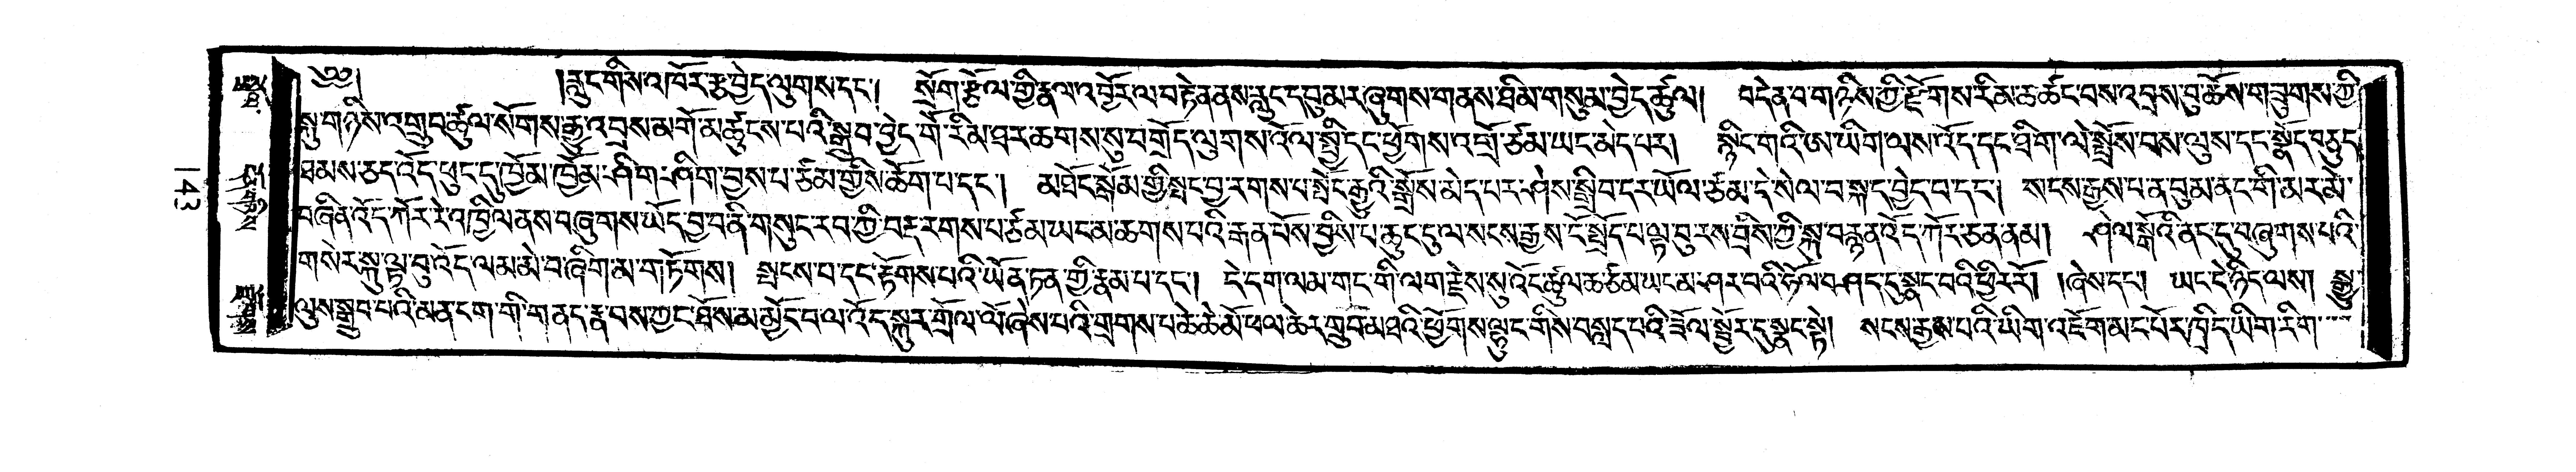༄༅། །རླུང་གིས་འཁོར་རྩ་བྱེད་ལུགས་དང་། སྲོག་རྩོལ་གྱི་རྣལ་འབྱོར་ལ་བརྟེན་ནས་རླུང་དབུ་མར་ཞུགས་གནས་ཐིམ་གསུམ་བྱེད་ཚུལ། བདེན་པ་གཉིས་ཀྱི་རྫོགས་རིམ་ཆ་ཚང་བས་འབྲས་བུ་ཆོས་གཟུགས་ཀྱི་
སྐུ་གཉིས་འགྲུབ་ཚུལ་སོགས་རྒྱུ་འབྲས་མགོ་མཚུངས་པའི་སྒྲུབ་བྱེད་གོ་རིམ་མཐར་ཆགས་སུ་བགྲོད་ལུགས་འོལ་སྤྱི་དང་ཕྱོགས་འགྲོ་ཙམ་ཡང་མེད་པར། སྙིང་གའི་ཨ་ཡིག་ལས་འོད་དང་ཐིག་ལེ་སྤྲོས་པས་ལུས་དང་སྣོད་བཅུད་
ཐམས་ཅད་འོད་ཕུང་དུ་ཁྱོམ་ཁྱོམ་ཤིག་ཤིག་བྱས་པ་ཙམ་གྱིས་ཆོག་པ་དང་། མཐོང་སྒོམ་གྱི་སྤང་བྱ་རགས་པ་སྤོང་རྒྱུའི་སྒྲོས་མེད་པར་ཤེས་སྒྲིབ་དར་ཡོལ་ཙམ་དེ་སེལ་བ་སྐད་བྱེད་པ་དང་། སངས་རྒྱས་པ་ན་བུམ་ནང་གི་མར་མེ་
བཞིན་འོད་ཀོར་རེ་འཁྱིལ་ནས་བཞུགས་ཡོད་བྱ་བ་ནི་གསུང་རབ་ཀྱི་བརྡ་རགས་པ་ཙམ་ཡང་མ་ཆགས་པའི་རྒན་པོས་བྱིས་པ་ཆུང་ངུ་ལ་སངས་རྒྱས་ངོ་སྤྲོད་པ་ལྟ་བུ་རས་བྲིས་ཀྱི་སྐུ་བརྙན་འོད་ཀོར་ཅན་ནམ། ཤེལ་སྒོའི་ནང་དུ་བཞུགས་པའི་
གསེར་སྐུ་ལྟ་བུ་འོད་ལམ་མེ་བ་ཞིག་མ་གཏོགས། སྤངས་པ་དང་རྟོགས་པའི་ཡོན་ཏན་གྱི་རྣམ་པ་དང་། དེ་དག་ལམ་གང་གི་ལག་རྗེས་སུ་འོད་ཚུལ་ཆ་ཙམ་ཡང་མ་ཤར་བའི་ཧོལ་བཤད་དུ་སྣང་བའི་ཕྱིར་རོ། །ཞེས་དང་། ཡང་དེ་ཉིད་ལས། སྒྱུ་
ལུས་སྒྲུབ་པའི་མན་ངག་གི་གནད་རྣ་བས་ཀྱང་ཐོས་མ་མྱོང་བ་ལ་འོད་སྐུར་གྲོལ་ལོ་ཞེས་པའི་གྲགས་པ་ཆེ་ཆེ་མོ་ཕལ་ཆེར་གྲུབ་མཐའི་ཕྱོགས་ལྷུང་གིས་བསླད་པའི་ཟོལ་སྦྱོར་དུ་སྣང་སྟེ། སངས་རྒྱ་མ་པའི་ཡིག་འཇོག་མང་པོར་ཁྲིད་ཡིག་རིག་